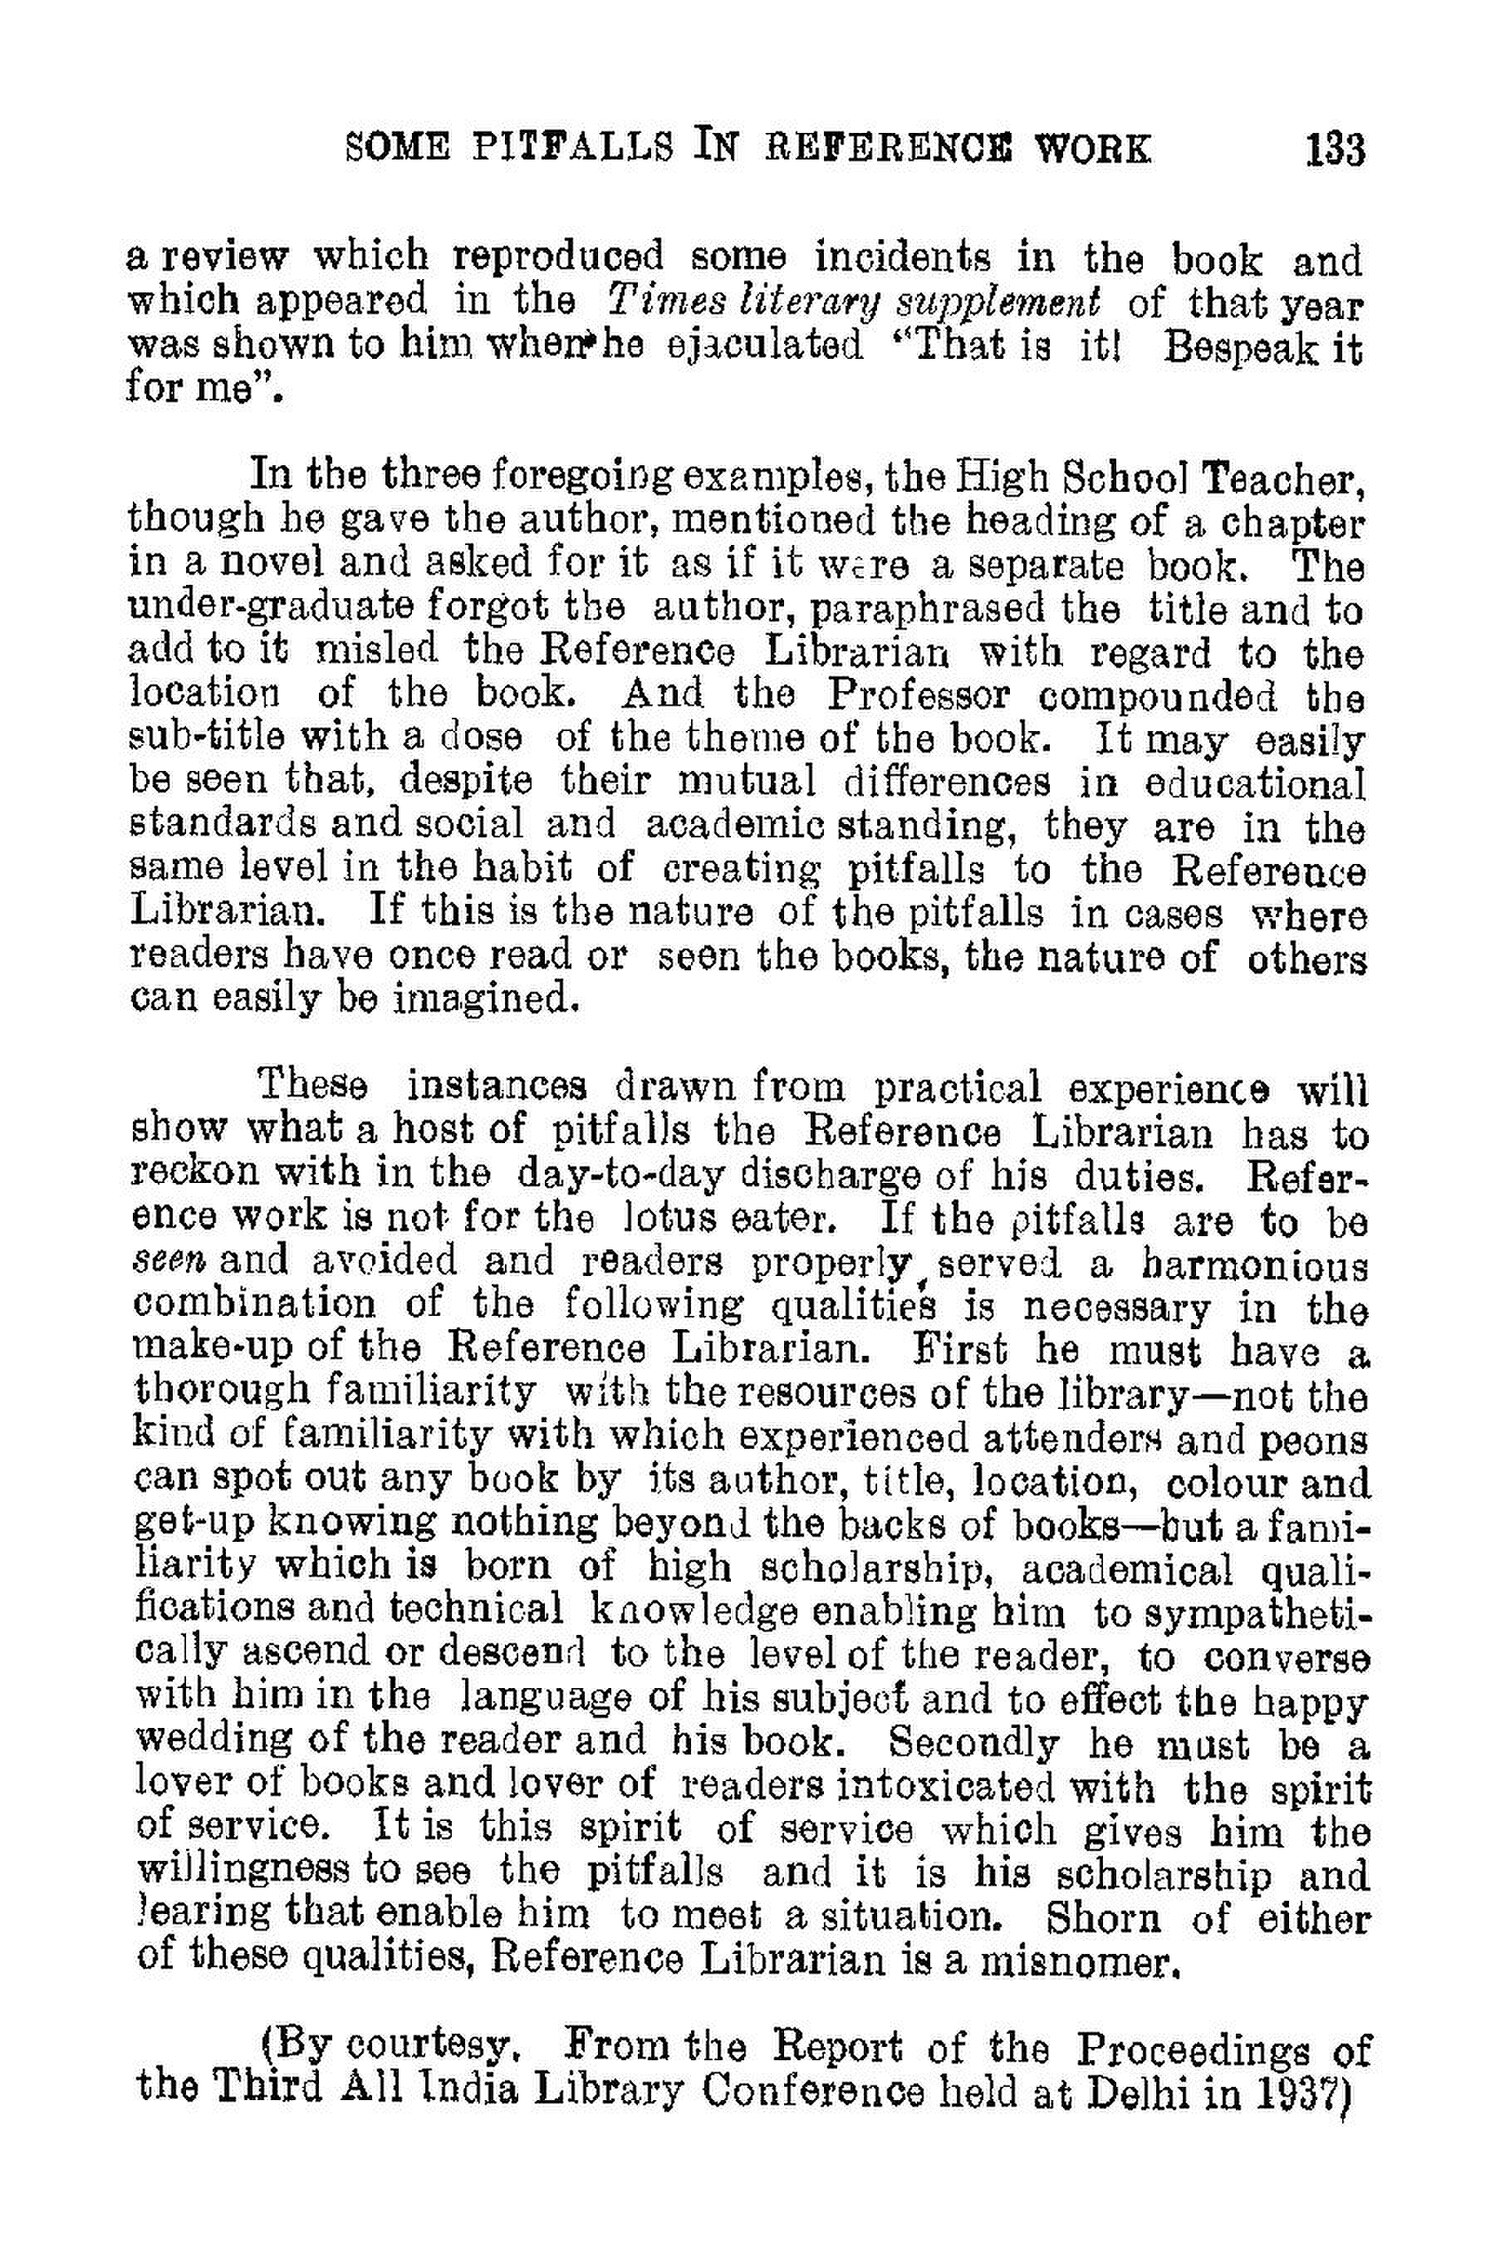a review which reproduced some incidents in the book and which appeared in the Times literary supplement 
of that year was shown to him when he ejaculated "That is it! Bespeak it for me".

In the three foregoing examples, the High School Teacher, though he gave the author, mentioned the heading 
of a chapter in a novel and asked for it as if it were a separate book. The under-graduate forgot the author, paraphrased the title and to add to it misled the Reference Librarian with regard to the location of the book. 
And the Professor compounded the sub-title with a dose of the theme of the book. It may easily be seen that, despite their mutual differences in educational standards and social and academic standing, they are in the
same level in the habit of creating pitfalls to the Reference Librarian. If this is the nature of the pitfalls 
in cases where readers have once read or seen the books, the nature of others can easily be imagined.

These instances drawn from practical experience will show what a host of pitfalls the Reference Librarian 
has to reckon with in the day-to-day discharge of his duties. Reference work is not for the lotus eater. 
If the pitfalls are to be seen and avoided and readers properly served a harmonious combination of the 
following qualities is necessary in the make-up of the Reference Librarian. First he must have a thorough familiarity with the resources of the library-not the kind of familiarity with which experienced attenders 
and peons can spot out any book by its author, title, location, colour and get-up knowing nothing beyond 
the backs of books-but a familiarity which is born of high scholarship, academical qualifications and 
technical knowledge enabling him to sympathetically ascend or descend to the level of the reader, to 
converse with him in the language of his subject and to effect the happy wedding of the reader and his 
book. Secondly he must be a lover of books and lover of readers intoxicated with the spirit of service. 
It is this spirit of service which gives him the willingness to see the pitfalls and it is his scholarship 
that enable him to meet a situation. Shorn of either of these qualities, Reference Librarian 
is a misnomer.

(By courtesy. From the Report of the Proceedings of the Third All India Library Conference held at Delhi in 1937)